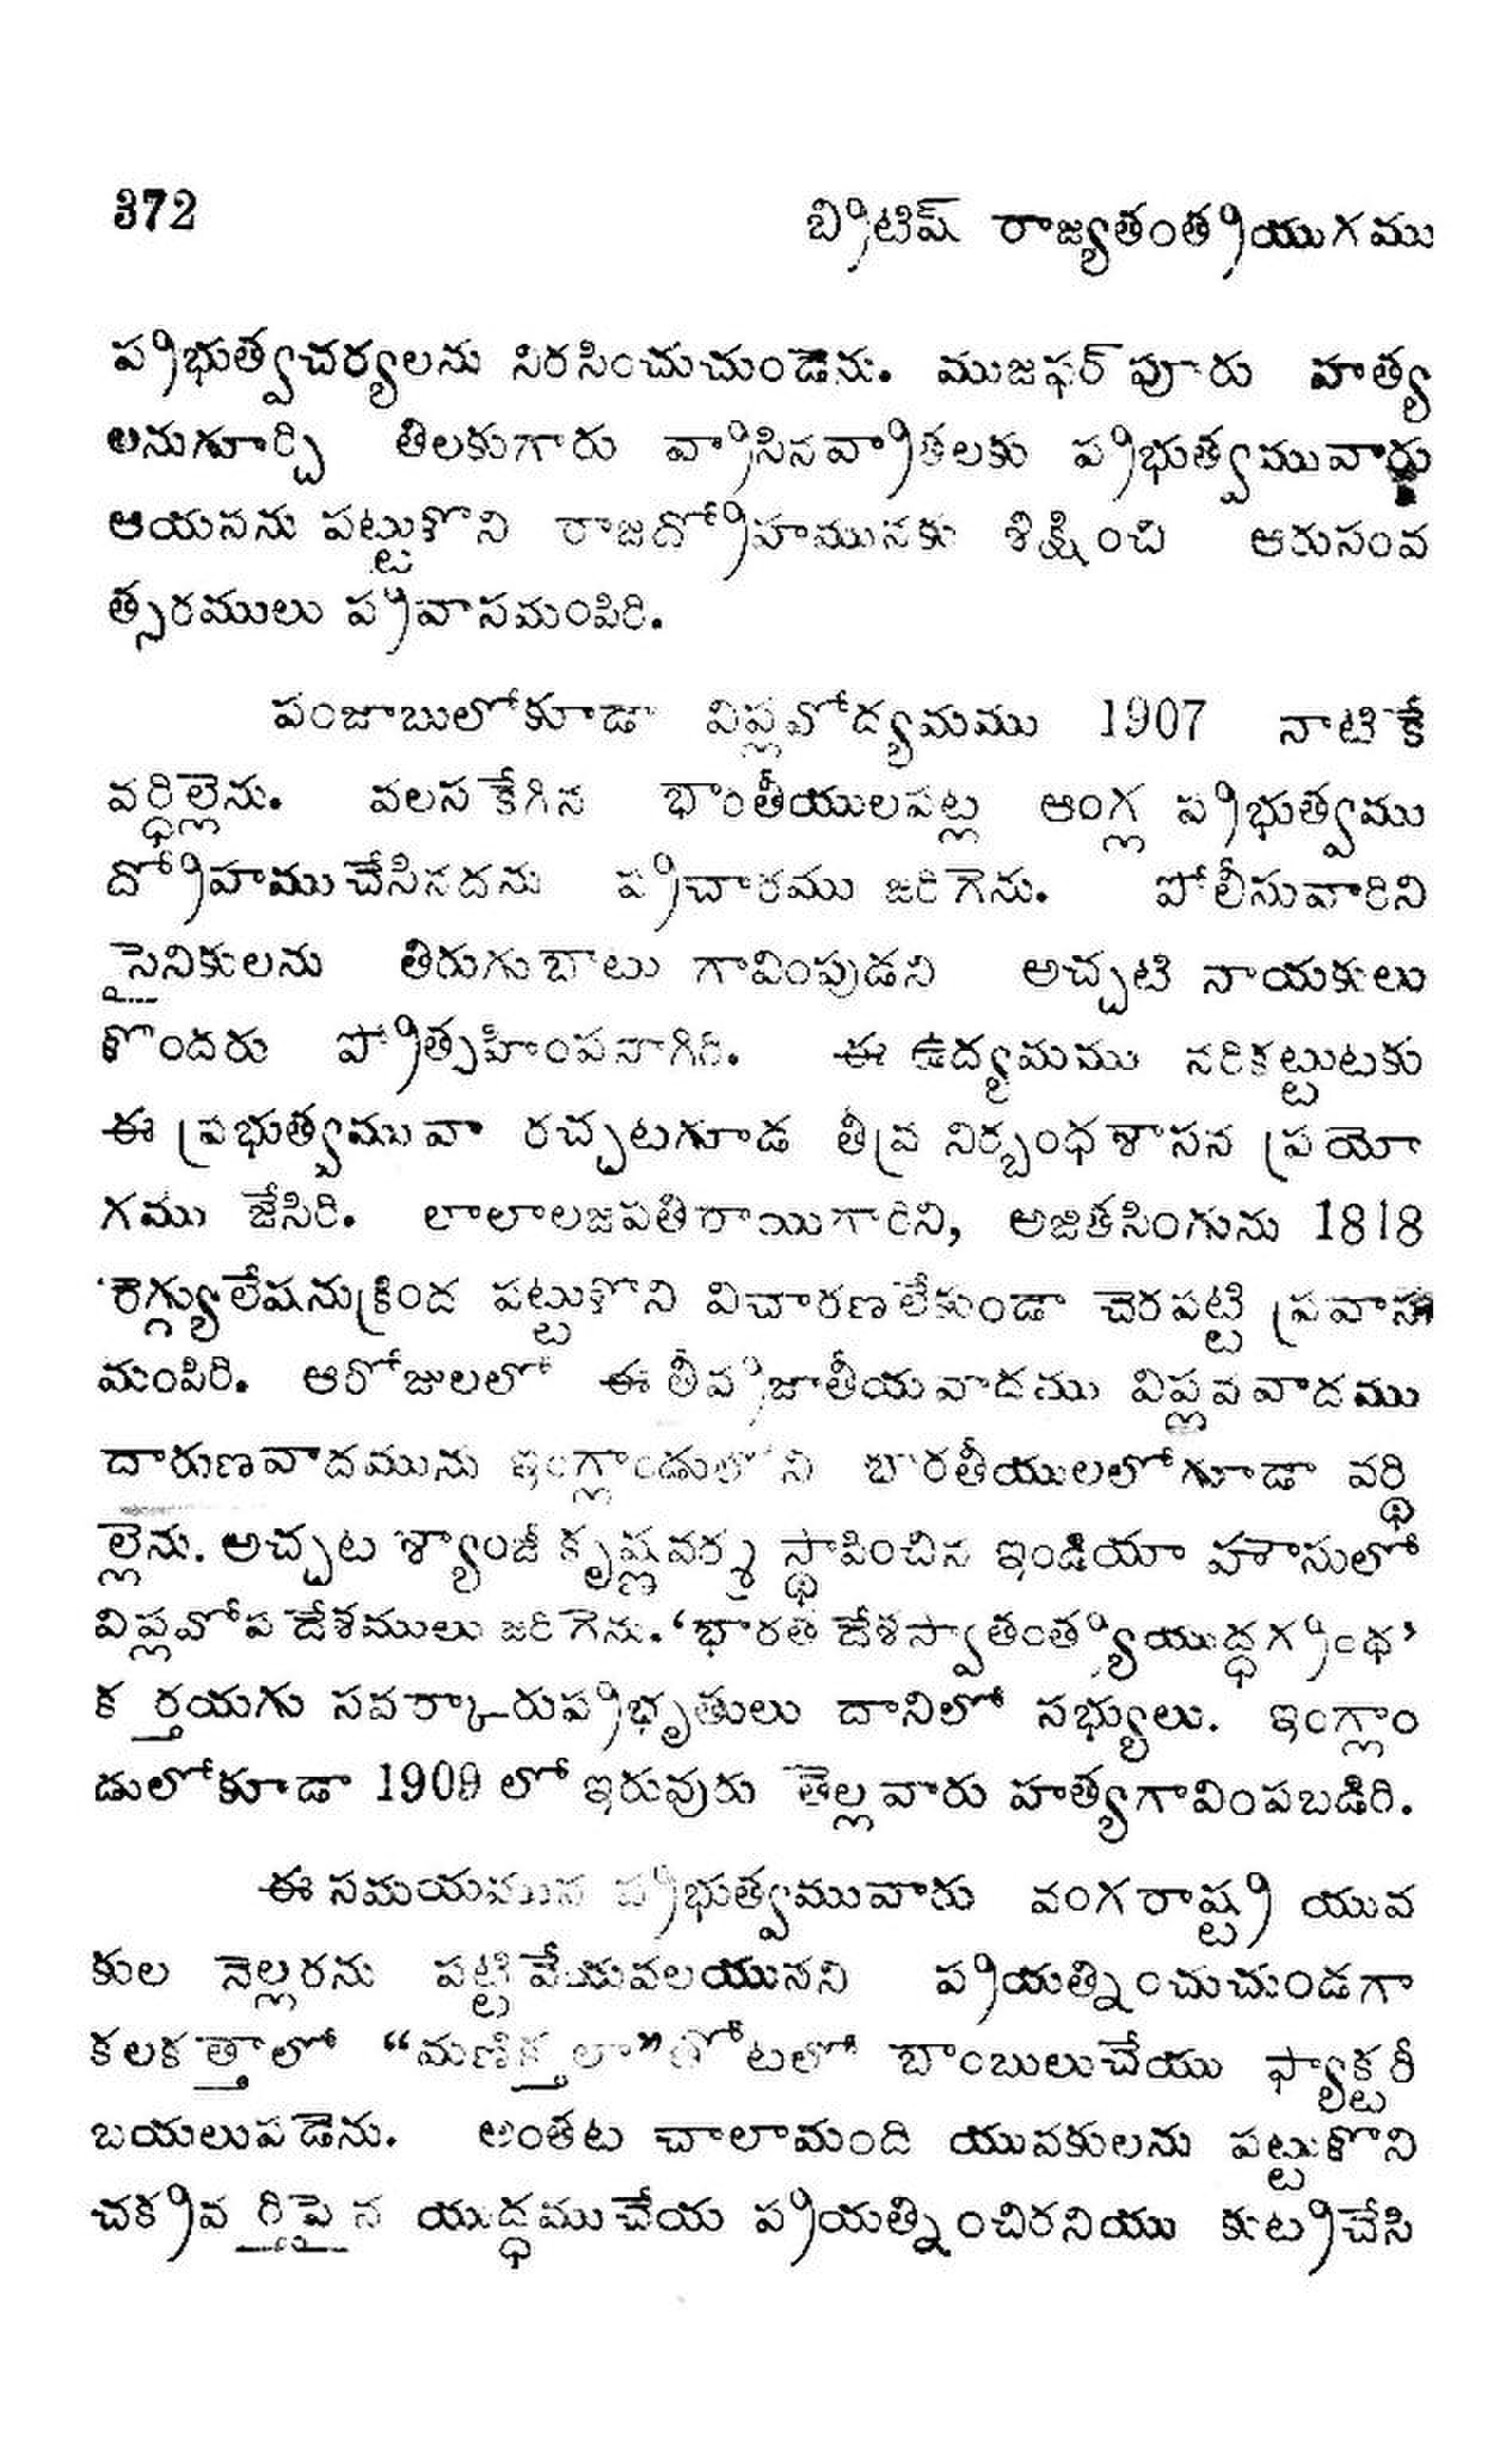ప్రభుత్వచర్యలను నిరసించుచుండెను. ముజఫర్‌పూరు హత్యలనుగూర్చి తిలకుగారు వ్రాసినవ్రాతలకు ప్రభుత్వమువారు ఆయనను పట్టుకొని రాజద్రోహమునకు శిక్షించి అరుసంవత్సరములు ప్రవాసమంపిరి.

పంజాబులోకూడా విప్లవోద్యమము 1907 నాటికే వర్ధిల్లెను. వలసకేగిన భారతీయులపట్ల ఆంగ్ల ప్రభుత్వము ద్రోహముచేసినదను ప్రచారము జరిగెను. పోలీసువారిని సైనికులను తిరుగుబాటు గావింపుడని అచ్చటి నాయకులు కొందరు ప్రోత్సహింపసాగిరి. ఈ ఉద్యమము నరికట్టుటకు ఈ ప్రభుత్వమువా రచ్చటగూడ తీవ్ర నిర్బంధశాసన ప్రయోగము జేసిరి. లాలాలజపతిరాయిగాని, అజితసింగును 1818 రెగ్గ్యులేషనుక్రింద పట్టుకొని విచారణలేకుండా చెరపట్టి ప్రవాసమంపిరి. ఆరోజులలో ఈతీవ్రజాతీయవాదము విప్లవవాదము దారుణవాదమును ఇంగ్లాండులోని భారతీయులలో గూడా వర్థిల్లెను. అచ్చట శ్యాంజీ కృష్ణవర్మ స్థాపించిన ఇండియా హౌసులో విప్లవోపదేశములు జరిగెను. 'భారతదేశ స్వాతంత్ర్యయుద్ధ గ్రంథ' కర్తయగు సవర్కారుప్రభృతులు దానిలో సభ్యులు. ఇంగ్లాండులోకూడా 1909 లో ఇరువురు తెల్లవారు హత్యగావింపబడిరి.

ఈ సమయమున ప్రభుత్వమువారు వంగరాష్ట్ర యువకుల నెల్లరను పట్టివేయవలయునని ప్రయత్నించుచుండగా కలకత్తాలో “మణిక్తలా" కోటలో బాంబులుచేయు ఫ్యాక్టరీ బయలుపడెను. అంతట చాలామంది యువకులను పట్టుకొని చక్రవర్తిపైన యుద్ధముచేయ ప్రయత్నించిరనియు కుట్రచేసి
.